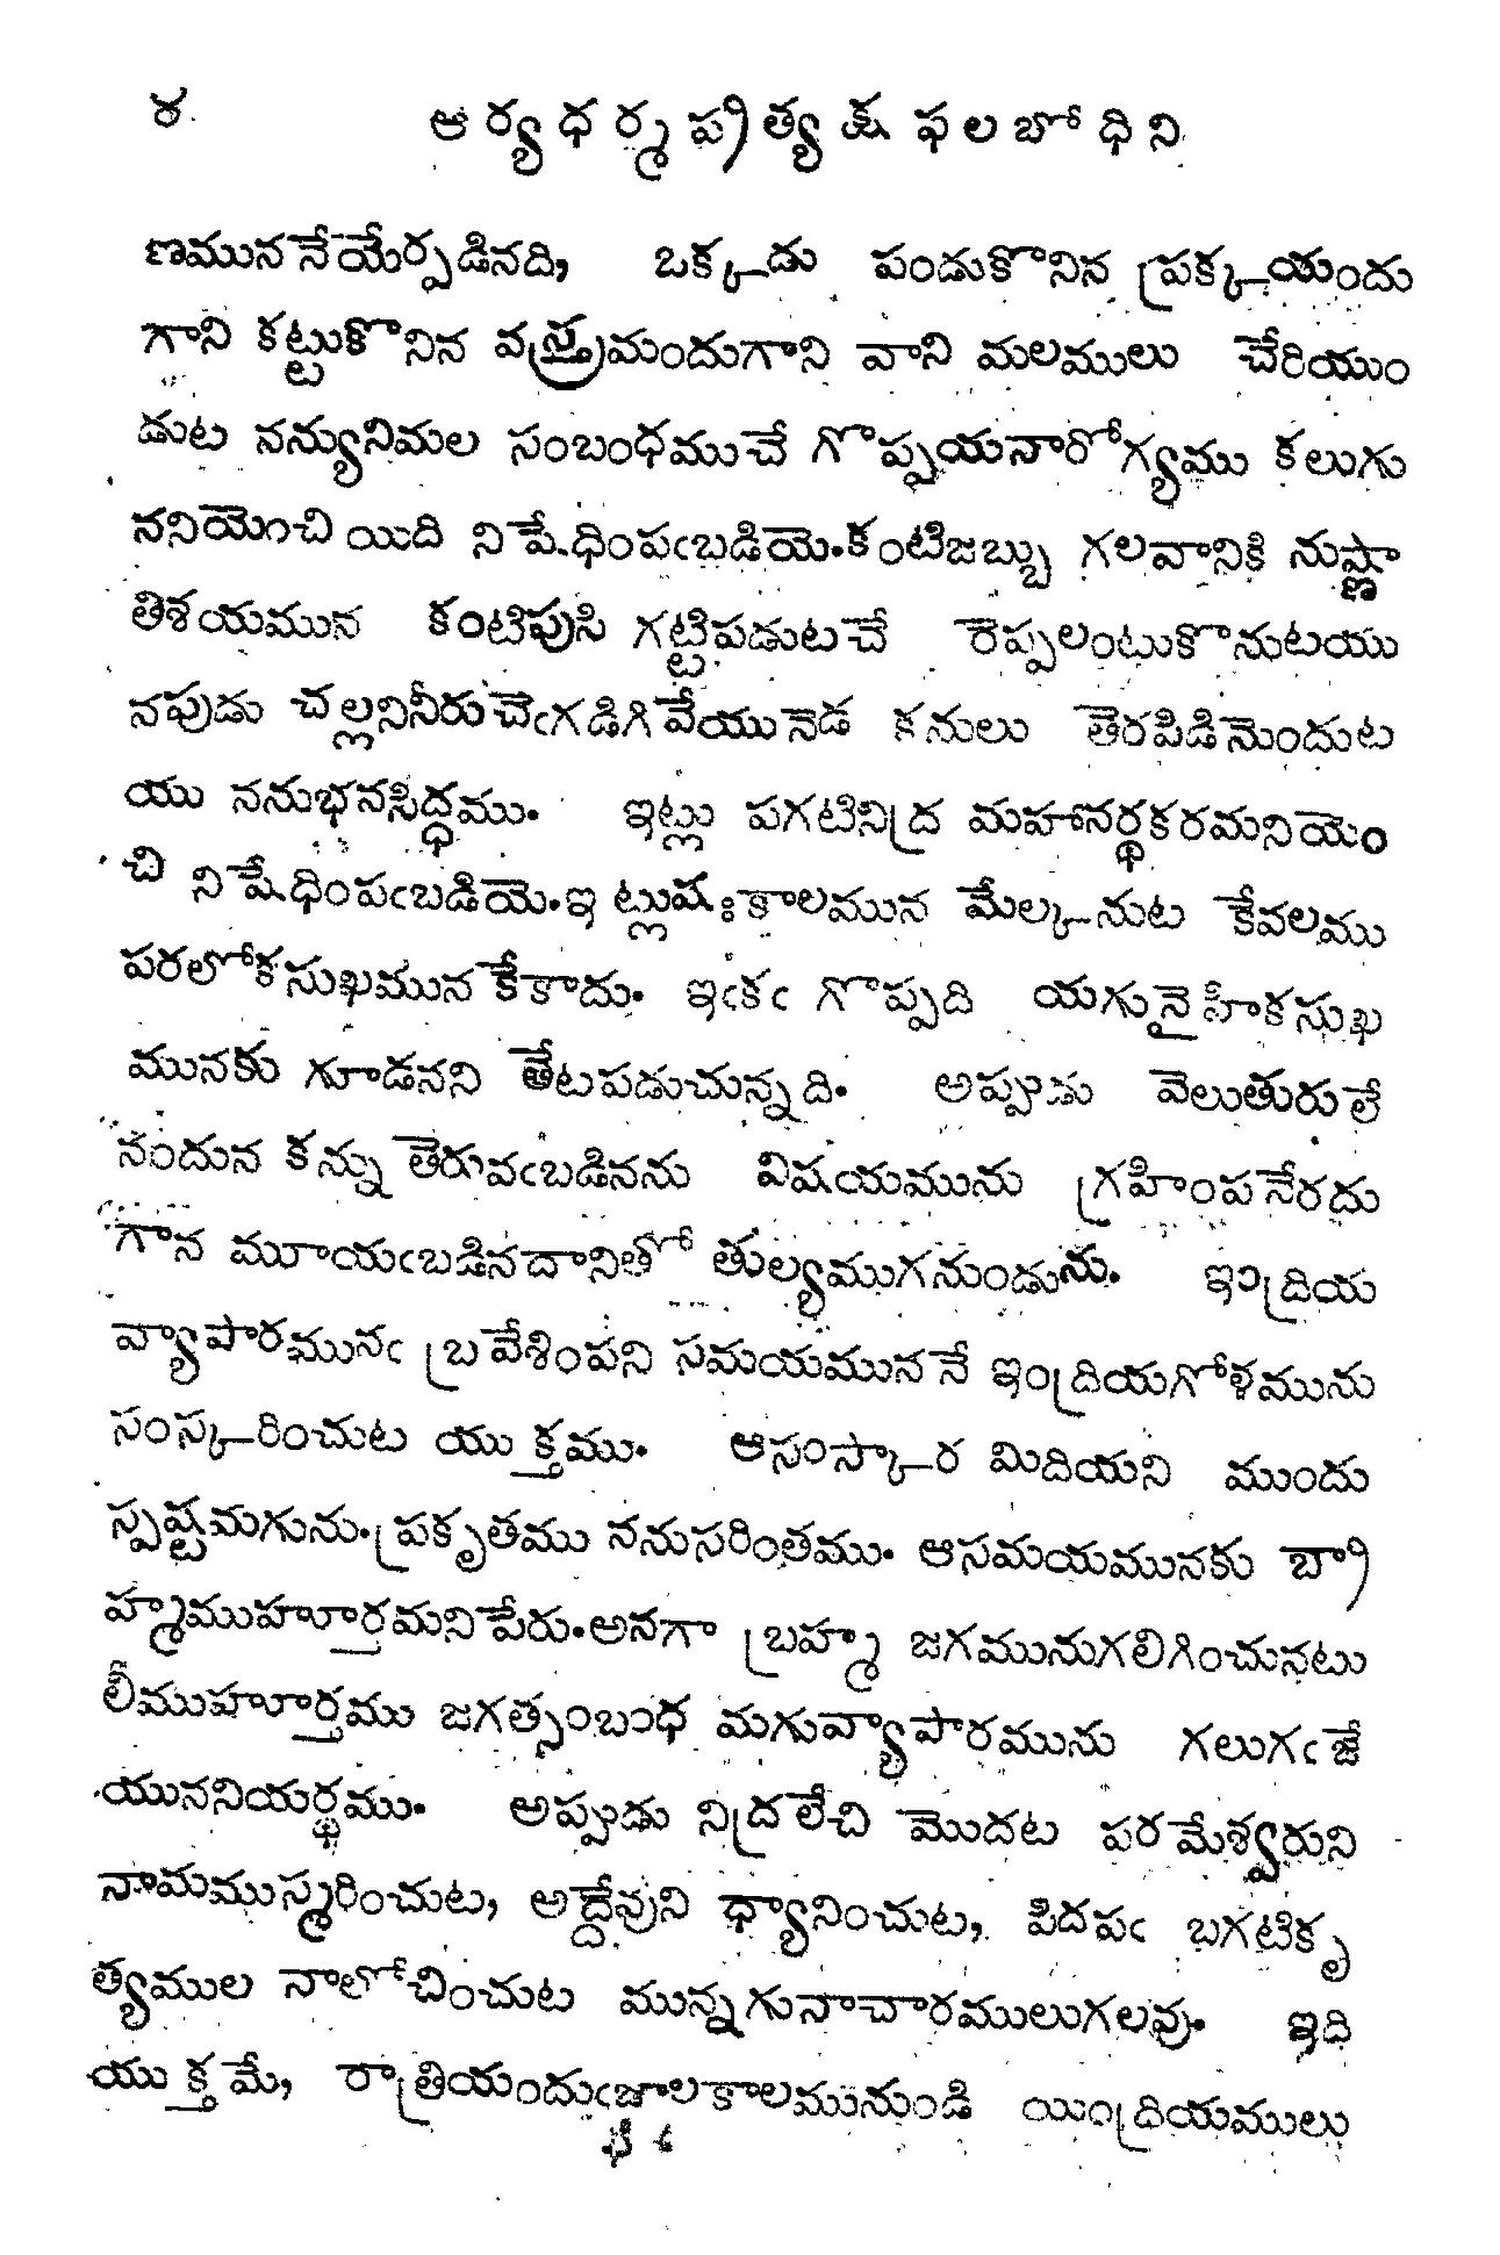ణముననేయేర్పడినది, ఒక్కడు పండుకొనిన ప్రక్కయందుగాని కట్టుకొనిన వస్త్రమందుగాని వాని మలములు చేరియుండుట నన్యునిమల సంబంధముచే గొప్పయనారోగ్యము కలుగుననియెంచి యిది నిషేధింపఁబడియె. కంటిజబ్బు గలవానికి నుష్ణాతిశయమున కంటిపుసి గట్టిపడుటచే రెప్పలంటుకొనుటయు నపుడు చల్లనినీరుచెఁగడిగివేయునెడ కనులు తెరపిడినొందుటయు ననుభవసిద్ధము. ఇట్లు పగటినిద్ర మహానర్థకరమనియెంచి నిషేధింపఁబడియె. ఇట్లుషఃకాలమున మేల్కనుట కేవలము పరలోకసుఖమునకేకాదు. ఇఁకఁ గొప్పది యగునైహికసుఖమునకు గూడనని తేటపడుచున్నది. అప్పుడు వెలుతురులేనందున కన్ను తెరువఁబడినను విషయమును గ్రహింపనేరదు గాన మూయఁబడినదానితో తుల్యముగనుండును. ఇంద్రియవ్యాపారమునఁ బ్రవేశింపని సమయముననే ఇంద్రియగోళమును
సంస్కరించుట యుక్తము. ఆసంస్కార మిదియని ముందు స్పష్టమగును. ప్రకృతము ననుసరింతము. ఆసమయమునకు బ్రాహ్మముహూర్తమనిపేరు. అనగా బ్రహ్మ జగమునుగలిగించునటు లీముహూర్తము జగత్సంబంధ మగువ్యాపారమును గలుగఁజేయుననియర్థము. అప్పుడు నిద్రలేచి మొదట పరమేశ్వరుని
నామముస్మరించుట, అద్దేవుని ధ్యానించుట, పిదపఁ బగటికృత్యముల నాలోచించుట మున్నగునాచారములుగలవు. ఇది యుక్తమే, రాత్రియందుఁజాలకాలమునుండి యింద్రియములు